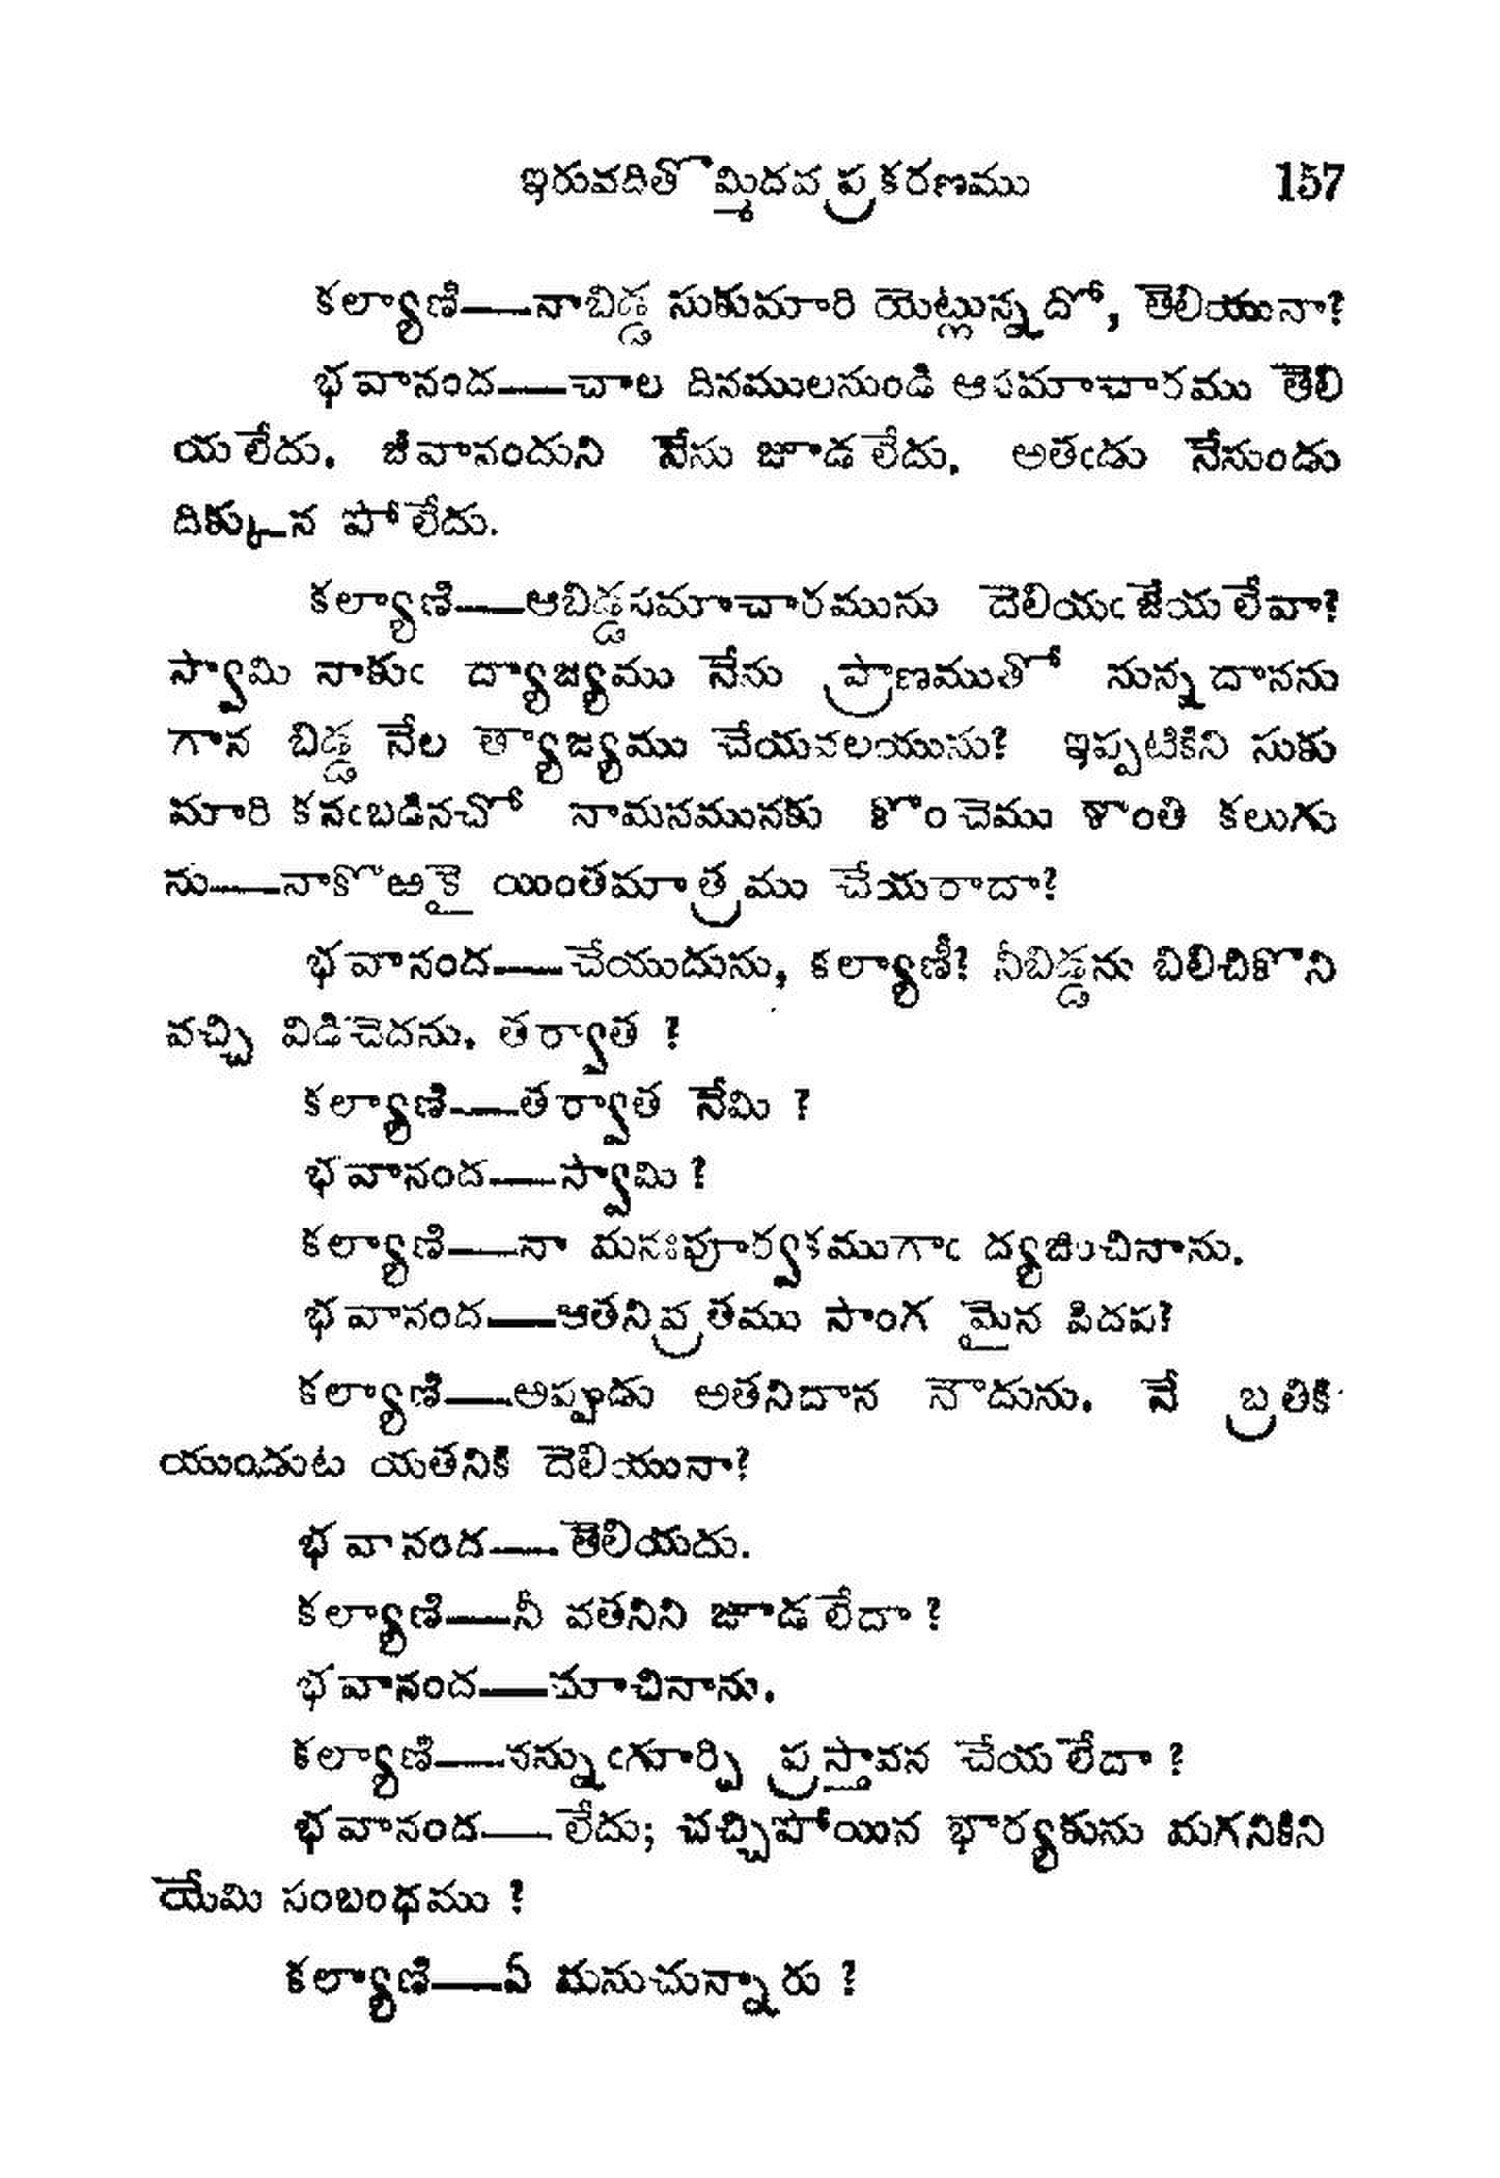కల్యాణి——నాబిడ్డ సుకుమారి యెట్లున్నదో, తెలియునా?

భవానంద——చాల దినములనుండి ఆ సమాచారము తెలియ లేదు. జీవానందుని నేను జూడ లేదు. అతఁడు నేనుండు
దిక్కున పోలేదు.

కల్యాణి——ఆబిడ్డ సమాచారమును దెలియఁ జేయలేవా? స్వామి నాకుఁ ద్యాజ్యము నేను ప్రాణముతో నున్న దానను గాన బిడ్డ నేల త్యాజ్యము చేయవలయును? ఇప్పటికిని సుకుమారి కనఁబడినచో నామనమునకు కొంచెము శాంతి కలుగును——నాకొఱకై యింతమాత్రము చేయరాదా?

భవానంద——చేయుదును, కల్యాణీ! నీ బిడ్డను బిలిచికొని వచ్చి విడిచెదను, తర్వాత ?

కల్యాణి——తర్వాత నేమి ?

భవానంద——స్వామి ?

కల్యాణి——నా మనఃపూర్వకముగాఁ ద్యజించినాను.

భవానంద——అతనివ్రతము సాంగ మైన పిదప?

కల్యాణి——అప్పుడు అతనిదాన నౌదును. నే బ్రతికి యుండుట యతనికి దెలియునా?

భవానంద—— తెలియదు.

కల్యాణి——నీ వతనిని జూడ లేదా ?

భవానంద——చూచినాను.

కల్యాణి——నన్ను గూర్చి ప్రస్తావన చేయ లేదా ?

భవానంద——లేదు; చచ్చిపోయిన భార్యకును మగనికిని యేమి సంబంధము ?

కల్యాణి——ఏ మనుచున్నారు ?